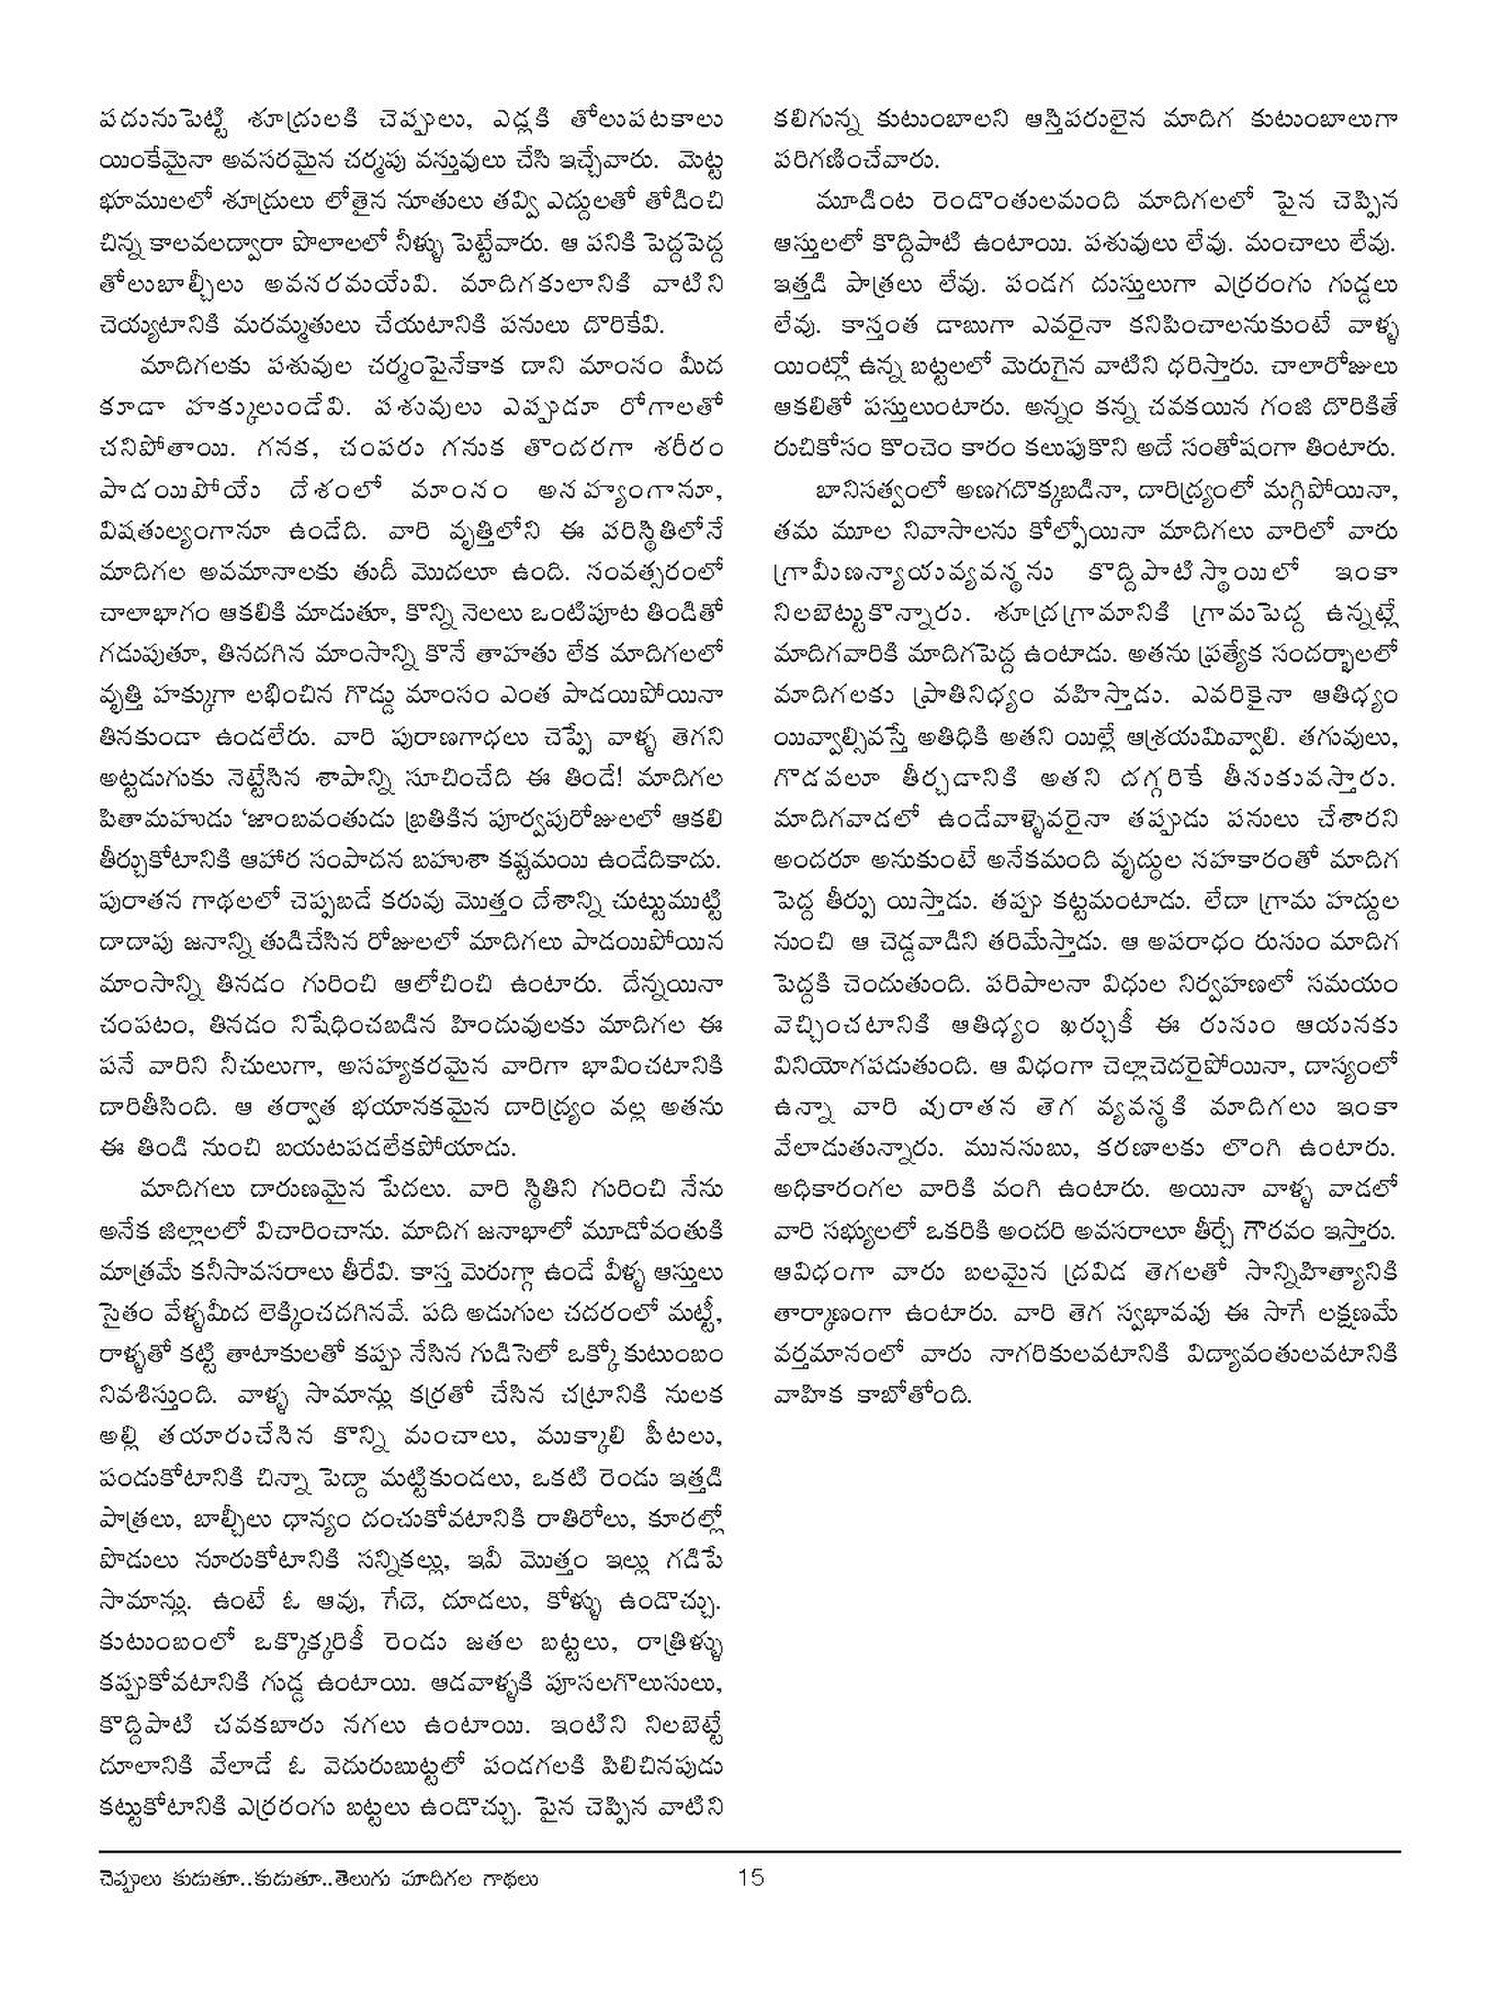పదును పెట్టి శూద్రులకి చెప్పులు, ఎడ్లకి తోలుపటకాలు
యింకేమైనా అవసరమైన చర్మపు వస్తువులు చేసి ఇచ్చేవారు. మెట్ట
భూములలో శూద్రులు లోతైన నూతులు తవ్వి ఎద్దులతో తోడించి
చిన్న కాలవలద్వారా పొలాలలో నీళ్ళు పెట్టేవారు. ఆ పనికి పెద్దపెద్ద
తోలు బాల్చీలు అవసరమయేవి. మాదిగకులానికి వాటిని
చెయ్యటానికి మరమ్మతులు చేయటానికి పనులు దొరికేవి.

మాదిగలకు పశువుల చర్మంపైనేకాక దాని మాంసం మీద
కూడా హక్కులుండేవి. పశువులు ఎప్పుడూ రోగాలతో
చనిపోతాయి. గనక, చంపరు గనుక తొందరగా శరీరం
పాడయిపోయే దేశంలో మాంసం అసహ్యంగానూ,
విషతుల్యంగానూ ఉండేది. వారి వృత్తిలోని ఈ పరిస్థితిలోనే
మాదిగల అవమానాలకు తుదీ మొదలూ ఉంది. సంవత్సరంలో
చాలాభాగం ఆకలికి మాడుతూ, కొన్ని నెలలు ఒంటిపూట తిండితో
గడుపుతూ, తినదగిన మాంసాన్ని కొనే తాహతు లేక మాదిగలలో
వృత్తి హక్కుగా లభించిన గొడ్డు మాంసం ఎంత పాడయిపోయినా
తినకుండా ఉండలేరు. వారి పురాణగాధలు చెప్పే వాళ్ళ తెగని
అట్టడుగుకు నెట్టేసిన శాపాన్ని సూచించేది ఈ తిండే! మాదిగల
పితామహుడు 'జాంబవంతుడు బ్రతికిన పూర్వపురోజులలో ఆకలి
తీర్చుకోటానికి ఆహార సంపాదన బహుశా కష్టమయి ఉండేదికాదు.
పురాతన గాథలలో చెప్పబడే కరువు మొత్తం దేశాన్ని చుట్టుముట్టి
దాదాపు జనాన్ని తుడిచేసిన రోజులలో మాదిగలు పాడయిపోయిన
మాంసాన్ని తినడం గురించి ఆలోచించి ఉంటారు. దేన్నయినా
చంపటం, తినడం నిషేధించబడిన హిందువులకు మాదిగల ఈ
పనే వారిని నీచులుగా, అసహ్యకరమైన వారిగా భావించటానికి
దారితీసింది. ఆ తర్వాత భయానకమైన దారిద్య్ర్యం వల్ల అతను
ఈ తిండి నుంచి బయటపడలేకపోయాడు.

మాదిగలు దారుణమైన పేదలు. వారి స్థితిని గురించి నేను
అనేక జిల్లాలలో విచారించాను. మాదిగ జనాభాలో మూడోవంతుకి
మాత్రమే కనీసావసరాలు తీరేవి. కాస్త మెరుగ్గా ఉండే వీళ్ళ ఆస్తులు
సైతం వేళ్ళమీద లెక్కించదగినవే. పది అడుగుల చదరంలో మట్టీ,
రాళ్ళతో కట్టి తాటాకులతో కప్పు వేసిన గుడిసెలో ఒక్కో కుటుంబం
నివశిస్తుంది. వాళ్ళ సామాన్లు కర్రతో చేసిన చట్రానికి నులక
అల్లి తయారుచేసిన కొన్ని మంచాలు, ముక్కాలి పీటలు,
పండుకోటానికి చిన్నా పెద్దా మట్టికుండలు, ఒకటి రెండు ఇత్తడి
పాత్రలు, బాల్చీలు ధాన్యం దంచుకోవటానికి రాతిరోలు, కూరల్లో
పొడులు నూరుకోటానికి సన్నికల్లు, ఇవీ మొత్తం ఇల్లు గడిపే
సామాన్లు. ఉంటే ఓ ఆవు, గేదె, దూడలు, కోళ్ళు ఉండొచ్చు.
కుటుంబంలో ఒక్కొక్కరికీ రెండు జతల బట్టలు, రాత్రిళ్ళు
కప్పుకోవటానికి గుడ్డ ఉంటాయి. ఆడవాళ్ళకి పూసలగొలుసులు,
కొద్దిపాటి చవకబారు నగలు ఉంటాయి. ఇంటిని నిలబెట్టే
దూలానికి వేలాడే ఓ వెదురుబుట్టలో పండగలకి పిలిచినపుడు
కట్టుకోటానికి ఎర్రరంగు బట్టలు ఉండొచ్చు. పైన చెప్పిన వాటిని
కలిగున్న కుటుంబాలని ఆస్తిపరులైన మాదిగ కుటుంబాలుగా
పరిగణించేవారు.

మూడింట రెండొంతులమంది మాదిగలలో పైన చెప్పిన
ఆస్తులలో కొద్దిపాటి ఉంటాయి. పశువులు లేవు. మంచాలు లేవు.
ఇత్తడి పాత్రలు లేవు. పండగ దుస్తులుగా ఎర్రరంగు గుడ్డలు
లేవు. కాస్తంత డాబుగా ఎవరైనా కనిపించాలనుకుంటే వాళ్ళ
యింట్లో ఉన్న బట్టలలో మెరుగైన వాటిని ధరిస్తారు. చాలారోజులు
ఆకలితో పస్తులుంటారు. అన్నం కన్న చవకయిన గంజి దొరికితే
రుచికోసం కొంచెం కారం కలుపుకొని అదే సంతోషంగా తింటారు.

బానిసత్వంలో అణగదొక్కబడినా, దారిద్య్ర్యంలో మగ్గిపోయినా,
తమ మూల నివాసాలను కోల్పోయినా మాదిగలు వారిలో వారు
గ్రామీణన్యాయవ్యవస్థను కొద్దిపాటిస్థాయిలో ఇంకా
నిలబెట్టుకొన్నారు. శూద్రగ్రామానికి గ్రామపెద్ద ఉన్నట్లే
మాదిగవారికి మాదిగపెద్ద ఉంటాడు. అతను ప్రత్యేక సందర్భాలలో
మాదిగలకు ప్రాతినిధ్యం వహిస్తాడు. ఎవరికైనా ఆతిధ్యం
యివ్వాల్సివస్తే అతిధికి అతని యిల్లే ఆశ్రయమివ్వాలి. తగువులు,
గొడవలూ తీర్చడానికి అతని దగ్గరికే తీసుకువస్తారు.
మాదిగవాడలో ఉండేవాళ్ళెవరైనా తప్పుడు పనులు చేశారని
అందరూ అనుకుంటే అనేకమంది వృద్ధుల సహకారంతో మాదిగ
పెద్ద తీర్పు యిస్తాడు. తప్పు కట్టమంటాడు. లేదా గ్రామ హద్దుల
నుంచి ఆ చెడ్డవాడిని తరిమేస్తాడు. ఆ అపరాధం రుసుం మాదిగ
పెద్దకి చెందుతుంది. పరిపాలనా విధులు నిర్వహణలో సమయం
వెచ్చించటానికి ఆతిధ్యం ఖర్చుకి ఈ రుసుం ఆయనకు
వినియోగపడుతుంది. ఆ విధంగా చెల్లాచెదరైపోయినా, దాస్యంలో
ఉన్నా వారి పురాతన తెగ వ్యవస్థకి మాదిగలు ఇంకా
వేలాడుతున్నారు. మునసుబు, కరణాలకు లొంగి ఉంటారు.
అధికారంగల వారికి వంగి ఉంటారు. అయినా వాళ్ళ వాడలో
వారి సభ్యులలో ఒకరికి అందరి అవసరాలు తీర్చే గౌరవం ఇస్తారు.
ఆవిధంగా వారు బలమైన ద్రవిడ తెగలతో సాన్నిహిత్యానికి
తార్కాణంగా ఉంటారు. వారి తెగ స్వభావవు ఈ సాగే లక్షణమే
వర్తమానంలో వారు నాగరికులవటానికి విద్యావంతులవటానికి
వాహిక కాబోతోంది.